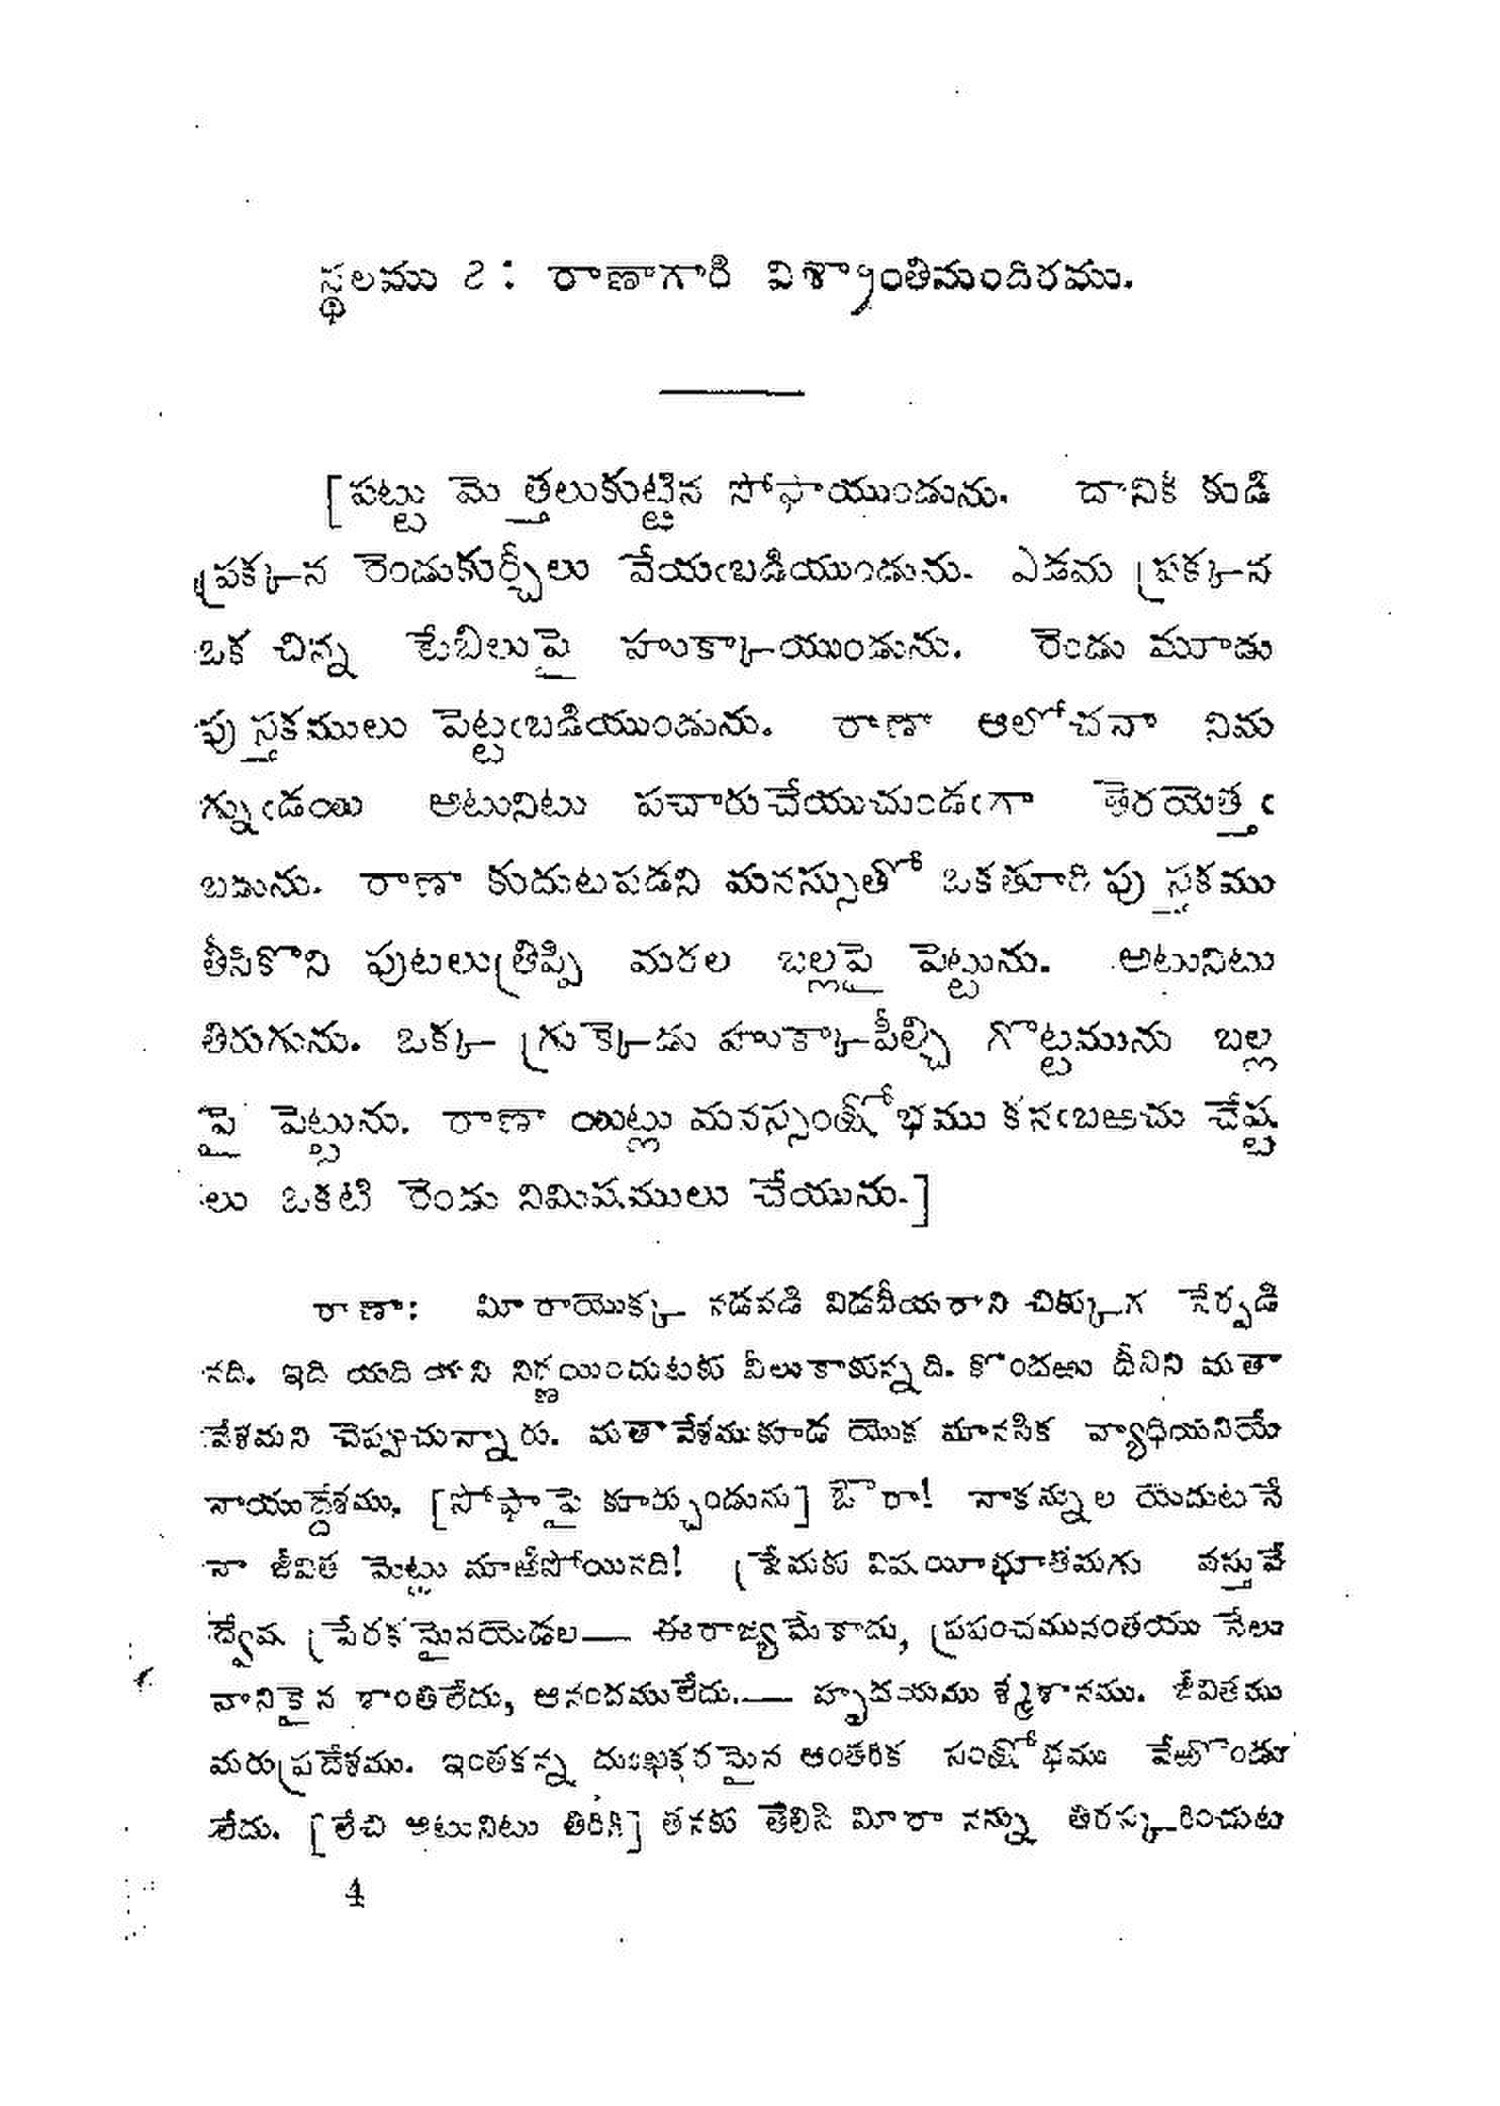రాణా : మీరాయొక్క నడవడి విడదీయరాని చిక్కుగ నేర్పడినది. ఇది యది యని నిర్ణయించుటకు వీలు కాకున్నది. కొందఱు దీనిని మతావేశమని చెప్పుచున్నారు. మతావేశముకూడ యొక మానసిక వ్యాధియనియే నాయుద్దేశము. [సోఫాపై కూర్చుండును] ఔరా ! నాకన్నుల యెదుటనే నా జీవిత మెట్లు మాఱిపోయినది ! ప్రేమకు విషయీభూతమగు వస్తువే ద్వేష ప్రేరకమైనయెడల - ఈరాజ్యమేకాదు, ప్రపంచమునంతయు నేలు వానికైన శాంతిలేదు, ఆనందములేదు. - హృదయము శ్మశానము. జీవితము మరుప్రదేశము. ఇంతకన్న దు:ఖకరమైన ఆంతరిక సంక్షోభము వేఱొండు లేదు. [లేచి అటునిటు తిరిగి] తనకు తెలిసి మీరా నన్ను తిరస్కరించుట